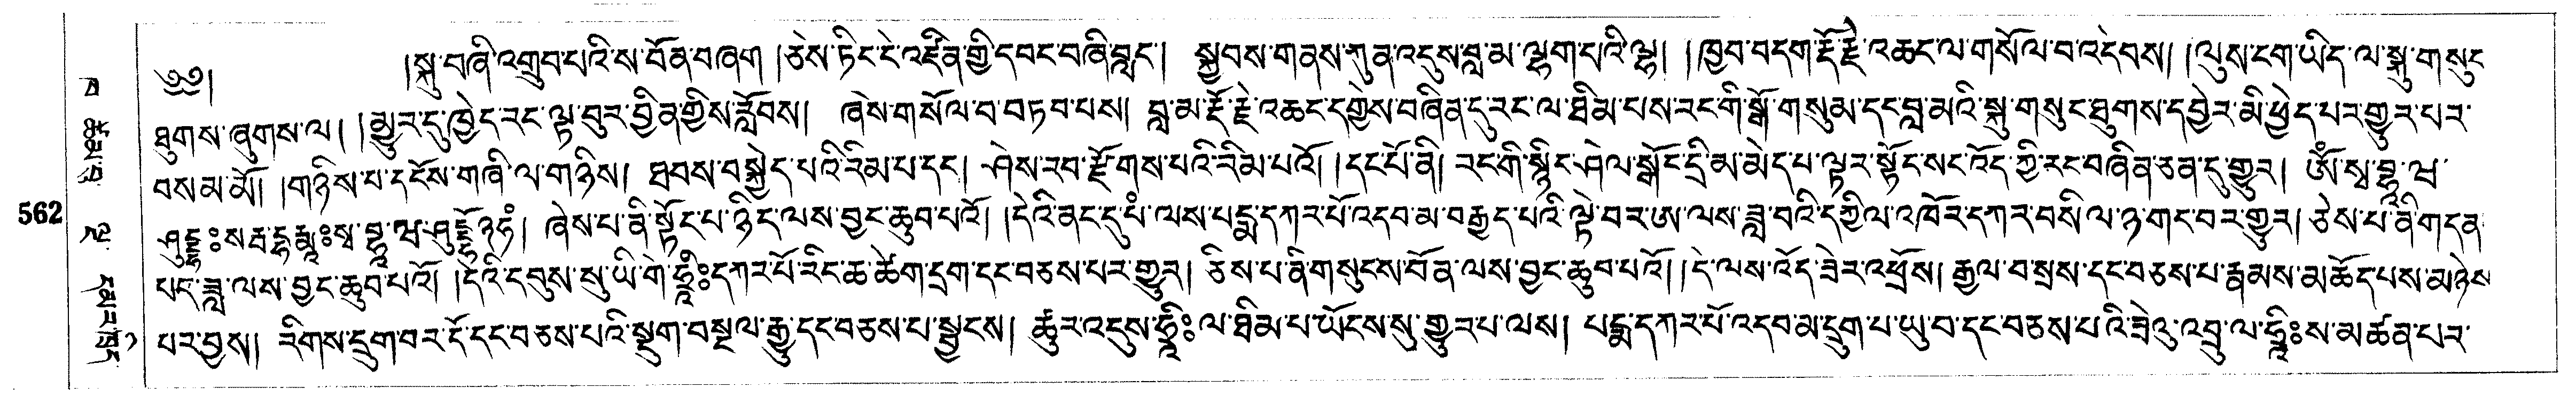༄༅། །སྐུ་བཞི་འགྲུབ་པའི་ས་བོན་བཞག །ཅེས་ཏིང་ངེ་འཛིན་གྱི་དབང་བཞི་བླང་། སྐྱབས་གནས་ཀུན་འདུས་བླ་མ་ལྷག་པའི་ལྷ། །ཁྱབ་བདག་རྡོ་རྗེ་འཆང་ལ་གསོལ་བ་འདེབས། །ལུས་ངག་ཡིད་ལ་སྐུ་གསུང་
ཐུགས་ཞུགས་ལ། །མྱུར་དུ་ཁྱེད་རང་ལྟ་བུར་བྱིན་གྱིས་རློབས། ཞེས་གསོལ་བ་བཏབ་པས། བླ་མ་རྡོ་རྗེ་འཆང་དགྱེས་བཞིན་དུ་རང་ལ་ཐིམ་པས་རང་གི་སྒོ་གསུམ་དང་བླ་མའི་སྐུ་གསུང་ཐུགས་དབྱེར་མི་ཕྱེད་པར་གྱུར་པར་
བསམ་མོ། །གཉིས་པ་དངོས་གཞི་ལ་གཉིས། ཐབས་བསྐྱེད་པའི་རིམ་པ་དང་། ཤེས་རབ་རྫོགས་པའི་རིམ་པའོ། །དང་པོ་ནི། རང་གི་སྙིང་ཤེལ་སྒོང་དྲི་མ་མེད་པ་ལྟར་སྟོང་སང་འོད་ཀྱི་རང་བཞིན་ཅན་དུ་གྱུར། ཨོཾ་སྭ་བྷཱ་ཝ་
ཤུདྡྷཿ སརྦ་དྷ་རྨཱཿསྭ་བྷཱ་ཝ་ཤུདྡྷོ་ཉཧཾ། ཞེས་པ་ནི་སྟོང་པ་ཉིད་ལས་བྱང་ཆུབ་པའོ། །དེའི་ནང་དུ་པཾ་ལས་པདམ་དཀར་པོ་འདབ་མ་བརྒྱད་པའི་ལྟེ་བར་ཨ་ལས་ཟླ་བའི་དཀྱིལ་འཁོར་དཀར་བསིལ་ཉ་གང་བར་གྱུར། ཅེས་པ་ནི་གདན་
པད་ཟླ་ལས་བྱང་ཆུབ་པའོ། །དེའི་དབུས་སུ་ཡི་གེ་ཧྲཱིཿ དཀར་པོ་རིང་ཆ་ཚེག་དྲག་དང་བཅས་པར་གྱུར། ཅིས་པ་ནི་གསུང་ས་བོན་ལས་བྱང་ཆུབ་པའོ། །དེ་ལས་འོད་ཟེར་འཕྲོས། རྒྱལ་བ་སྲས་དང་བཅས་པ་རྣམས་མཆོད་པས་མཉེས་
པར་བྱས། རིགས་དྲུག་བར་དོ་དང་བཅས་པའི་སྡུག་བསྔལ་རྒྱུ་དང་བཅས་པ་སྦྱངས། ཚུར་འདུས་ཧྲཱིཿ ལ་ཐིམ་པ་ཡོངས་སུ་གྱུར་པ་ལས། པདམ་དཀར་པོ་འདབ་མ་དྲུག་པ་ཡུ་བ་དང་བཅས་པའི་ཟེའུ་འབྲུ་ལ་ཧྲཱིཿ ས་མཚན་པར་